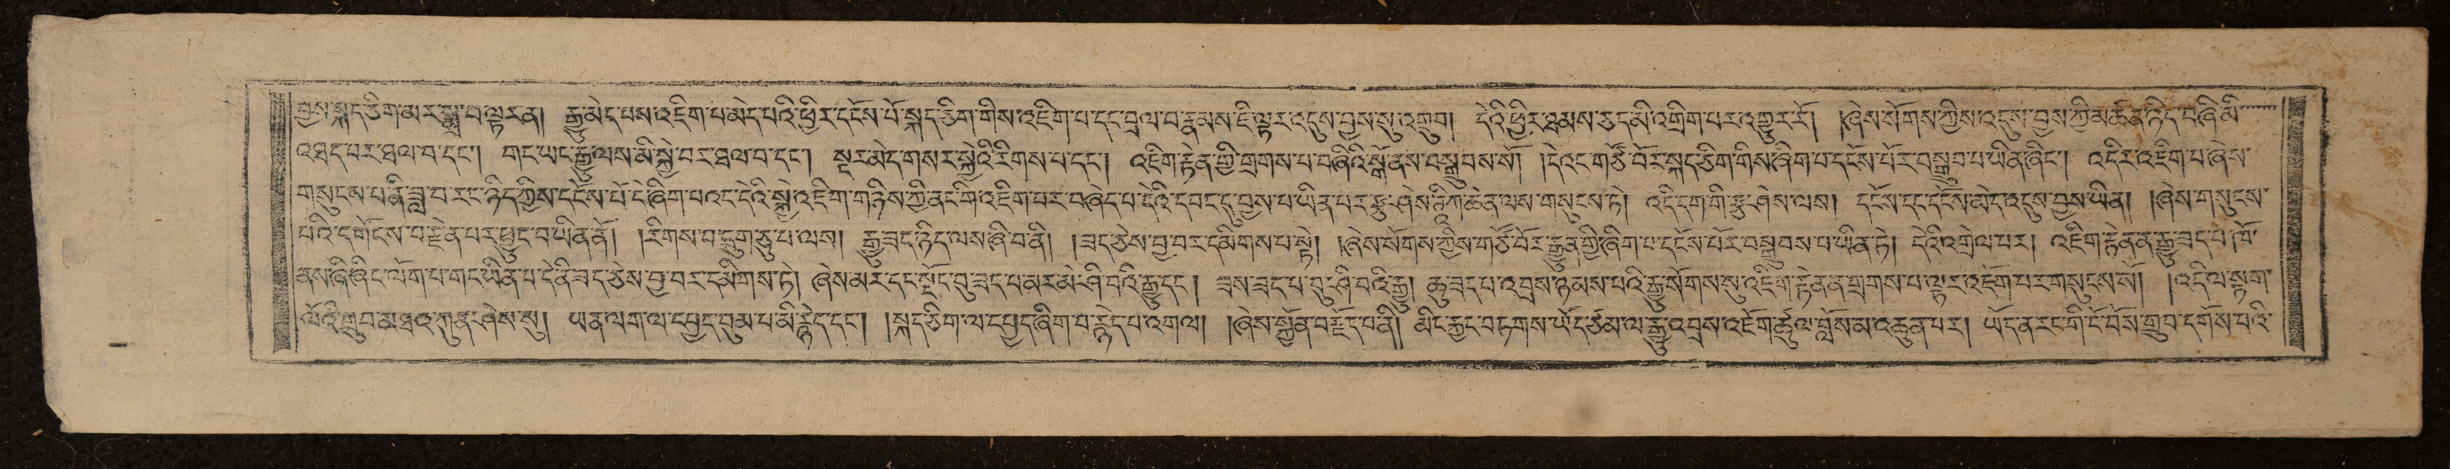བྱས་སྐད་ཅིག་མར་སྨྲ་བ་ལྟར་ན། རྒྱུ་མེད་བས་འཇིག་བ་མེད་བའི་ཕྱིར་དངོས་པོ་སྐད་ཅིག་གིས་འཇིག་པ་དང་བྲལ་བ་རྣམས་ཇི་ལྟར་འདུས་བྱས་སུ་འགྲུབ། དེའི་ཕྱིར་ཐམས་ཅད་མི་འགྲིག་པར་འགྱུར་རོ། །ཞེས་སོགས་ཀྱིས་འདུས་བྱས་ཀྱི་མཚན་ཉིད་བཞི་མི་
འཐད་བར་ཐལ་བ་དང་། གང་ཡང་རྒྱུ་ལས་མི་སྐྱེ་བར་ཐལ་བ་དང་། སྔར་མེད་གསར་སྐྱེའི་རིགས་པ་དང་། འཇིག་རྟེན་གྱི་གྲགས་པ་བཞིའི་སྒོ་ནས་བསྒྲུབས་སོ། །དེའང་གཙོ་བོར་སྐད་ཅིག་གིས་ཞིག་བ་དངོས་པོར་བསྒྲུབ་པ་ཡིན་ཞིང་། འདིར་འཇིག་པ་ཞེས་
གསུངས་བ་ནི་ཟླ་བ་རང་ཉིད་ཀྱིས་དངོས་པོ་དེ་ཞིག་བའང་དེའི་སྐྱེ་འཇིག་གཉིས་ཀྱི་ནང་གི་འཇིག་པར་བཞེད་པ་དེའི་དབང་དུ་བྱས་པ་ཡིན་པར་རྩ་ཤེས་ཊཱིཀ་ཆེན་ལས་གསུངས་ཏེ། འདི་དག་གི་རྩ་ཤེས་ལས། དངོས་དང་དངོས་མེད་འདུས་བྱས་ཡིན། །ཞེས་གསུངས་
པའི་དགོངས་པ་རྗེན་པར་ཕྱུང་བ་ཡིན་ནོ། །རིགས་པ་དྲུག་ཅུ་པ་ལས། རྒྱུ་ཟད་ཉིད་ལས་ཞི་བ་ནི། །ཟད་ཅེས་བྱ་བར་དམིགས་པ་སྟེ། །ཞེས་སོགས་ཀྱིས་གཙོ་བོར་རྒྱུན་གྱི་ཞིག་པ་དངོས་པོར་བསྒྲུབས་པ་ཡིན་ཏེ། དེའི་འགྲེལ་བར། འཇིག་རྟེན་ན་རྒྱུ་ཟད་པ་ཁོ་
ནས་ཞི་ཞིང་ལོག་པ་གང་ཡིན་པ་དེ་ནི་ཟད་ཅེས་བྱ་བར་དམིགས་ཏེ། ཞེས་མར་དང་སྡོང་བུ་ཟད་པ་མར་མེ་ཤི་བའི་རྒྱུ་དང་། ཟས་ཟད་པ་བུ་ཤི་བའི་རྒྱུ། ཆུ་ཟད་པ་འབྲས་ཉམས་པའི་རྒྱུ་སོགས་སུ་འཇིག་རྟེན་ན་གྲགས་པ་ལྟར་འཇོག་པར་གསུངས་སོ། །འདི་ལ་སྟག་
ལོའི་གྲུབ་མཐའ་ཀུན་ཤེས་སུ། ཡན་ལག་ལ་དཔྱད་བུམ་པ་མི་རྙེད་དང་། །སྐད་ཅིག་ལ་དཔྱད་ཞིག་པ་རྙེད་པ་འགལ། །ཞེས་སྐྱོན་༑བརྗོད་པ་ནི། མིང་རྐྱང་བཏགས་ཡོད་ཙམ་ལ་རྒྱུ་འབྲས་འཇོག་ཚུལ་བློས་མ་འཆུན་པར། ཡོད་ན་རང་གི་ངོ་བོས་གྲུབ་དགོས་པའི་